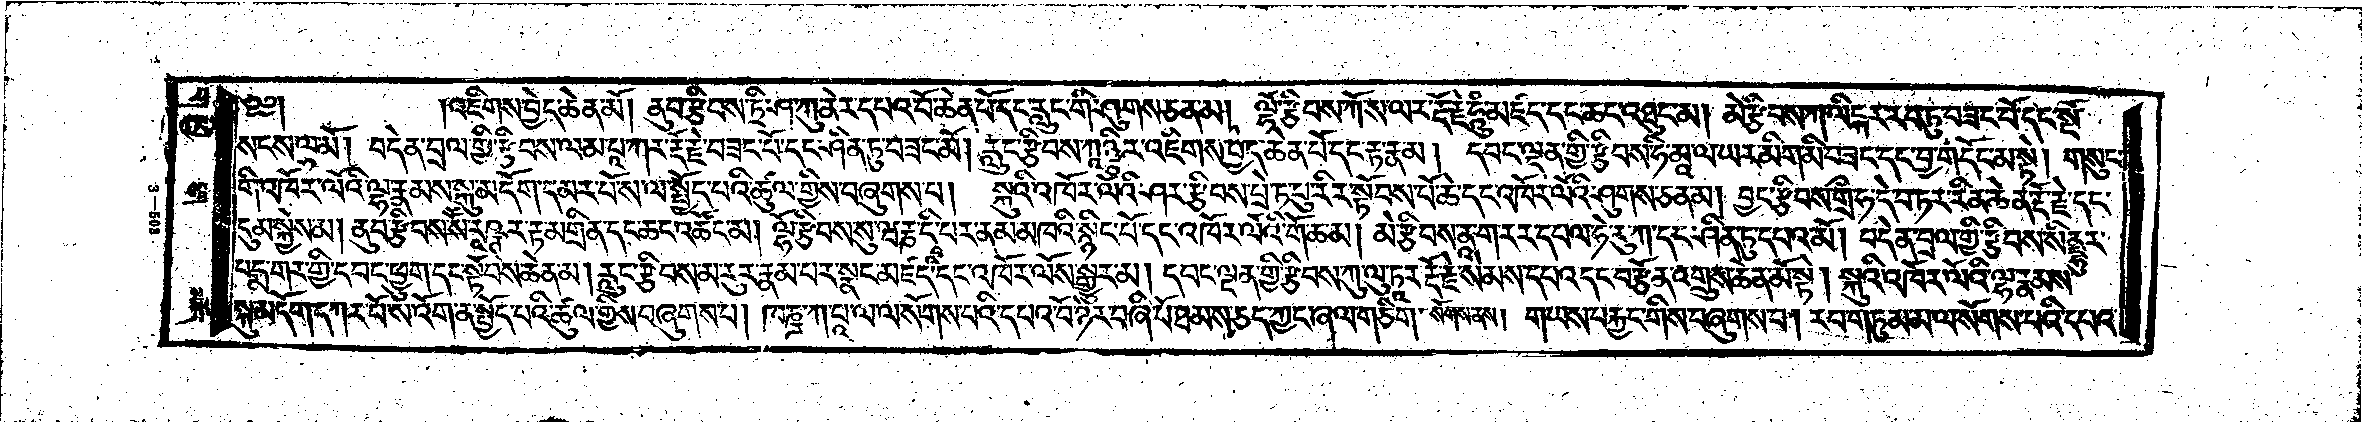༄༅། །འཇིགས་བྱེད་ཆེན་མོ། ནུབ་རྩི་བས་ཏྲི་ཤ་ཀུ་ནེར་དཔའ་བོ་ཆེན་པོ་དང་རླུང་གི་ཤུགས་ཅན་མ། ལྷོ་རྩི་བས་ཀོ་ས་ལར་རྡོ་རྗེ་ཧཱུ྾་མཛད་དང་ཆང་འཐུང་མ། མེ་རྩིབས་ཀ་ལིངྐར་རབ་ཏུ་བཟང་པོ་དང་སྔོ་
སངས་ལྷ་མོ། བདེན་བྲལ་གྱི་རྩིབས་ལམ་པཱ་ཀར་རྡོ་རྗེ་བཟང་པོ་དང་ཤིན་ཏུ་བཟང་མོ། རླུང་རྩི་བས་ཀཱ་ཉྩིར་འཇིགས་བྱེད་ཆེན་པོ་དང་རྟ་རྣམ། དབང་ལྡན་གྱི་རྩིབས་ཇི་མཱ་ལ་ཡར་མིག་མི་བཟང་དང་བྱ་གདོང་མ་སྟེ། གསུང་
གི་འཁོར་ལོའི་ལྷ་རྣམས་སྐུ་མདོག་དམར་པོ་ས་ལ་སྤྱོད་པའི་ཚུལ་གྱིས་བཞུགས་པ། སྐུའི་འཁོར་ལོའི་ཤར་རྩིབས་པྲེ་ཏ་པུ་རིར་སྟོབས་པོ་ཆེ་དང་འཁོར་ལོའི་ཤུགས་ཅན་མ། བྱང་རྩི་བས་གྲྀ་ཧ་དེ་བ་ལྟར་རིན་ཆེན་རྡོ་རྗེ་དང་
དུ་མ་སྐྱེས་མ། ནུབ་རྩི་བས་སཽ་རཱཥྚར་རྟ་མགྲིན་དང་ཆང་འཚོང་མ། ལྷོ་རྩི་བས་སུ་ཝརྞ་དའི་པར་ནམ་མཁའི་སྙིང་པོ་དང་འཁོར་ལོའི་གོ་ཆམ། མེ་རྩི་བས་ནཱ་ག་རར་དཔལ་ཧེ་རུ་ཀ་དང་ཤིན་ཏུ་དཔའ་མོ། བདེན་བྲལ་གྱི་རྩི་བས་སིནྡྷུར་
པདམ་གར་གྱི་དབང་ཕྱུག་དང་སྟོབས་ཆེན་མ། རླུང་རྩི་བས་མ་རུར་རྣམ་པར་སྣང་མཛད་དང་འཁོར་ལོས་སྒྱུར་མ། དབང་ལྔན་གྱི་རྩིབས་ཀུ་ལུ་ཏཱར་རྡོ་རྗེ་སེམས་དཔའ་དང་བྪོན་འགྲུས་ཆེན་མོ་སྟེ། སྐུའི་འཁོར་ལོའི་ལྷ་རྣམས་
སྐུ་མདོག་དཀར་པོ་ས་འོག་ན་སྤྱོད་པའི་ཚུལ་གྱིས་བཞུགས་པ། ཁཎྜ་ཀ་པཱ་ལ་ལ་སོགས་པའི་དཔའ་བོ་ཉེར་བཞི་པོ་ཐམས་ཅད་ཀྱང་ཞལ་གཅིག་སོགས་ནས།  གཡས་པ་རྐྱང་གིས་བཞུགས་པ། རབ་གཏུམ་མ་ལ་སོགས་པའི་དཔའ་